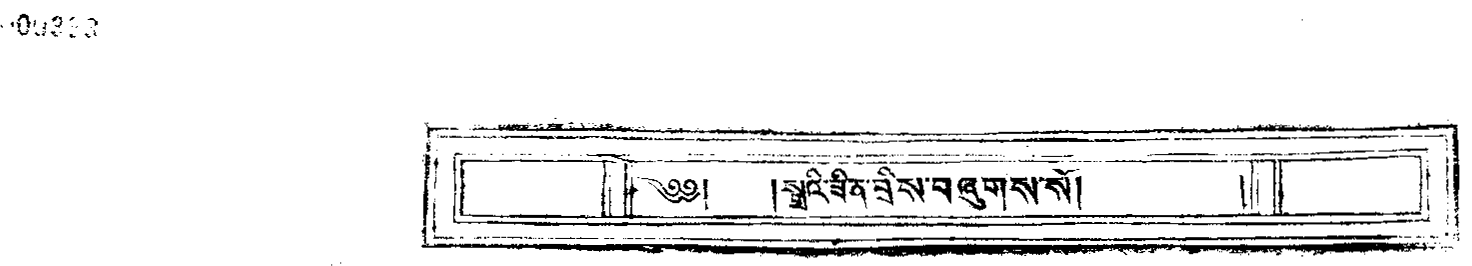༄༅། །སྒྲའི་ཟིན་བྲིས་བཞུགས་སོ། །